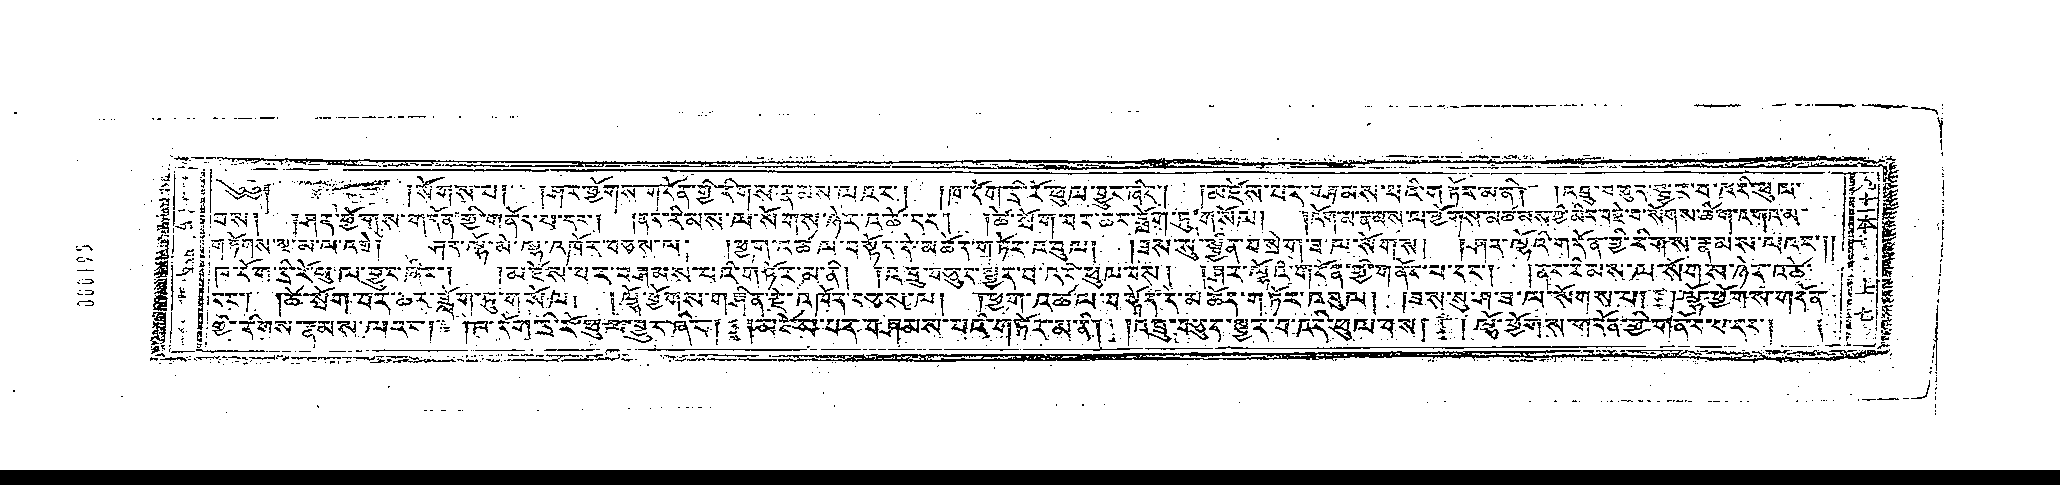༄༅། །སོགས་པ། །ཤར་ཕྱོགས་གདོན་གྱི་རིགས་རྣམས་ལའང་། །ཁ་དོག་དྲི་རོ་ཕུལ་བྱུང་ཞིང་། །མཛེས་པར་བཤམས་པའི་གཏོར་མ་ནི། །འབྲུ་བཅུང་སྦྱར་བ་འདི་ཕུལ་
བས། །ཤར་ཕྱོགས་གདོན་གྱི་གནོད་པ་དང་། །ནད་རིམས་ལ་སོགས་ཉེར་འཚེ་དང་། །ཚེ་སྲོག་བར་ཆད་ཟློག་ཏུ་གསོལ། །འོག་མ་རྣམས་ལ་ཕྱོགས་མཚམས་ཀྱི་མིང་བརྡེབ་སོགས་ཚིག་འགའ་མ་
གཏོགས་སྔ་མ་ལ་འགྲེ། ཤར་ལྷོ་མེ་ལྷ་འཁོར་བཅས་ལ། །ཕྱག་འཚལ་བསྟོད་དེ་མཆོད་གཏོར་འབུལ། །ཟས་སུ་སྦྱིན་བསྲེག་ཟ་ལ་སོགས། །ཤར་ལྷོའི་གདོན་གྱི་རིགས་རྣམས་ལའང།།
ཁ་དོག་དྲི་རོ་ཕུལ་བྱུང་ཞིང་། །མཛེས་པར་བཤམས་པའི་གཏོར་མ་ནི། །འབྲུབ་ཅུང་སྦྱར་བ་འདི་ཕུལ་བས། །ཤར་ལྷོའི་གདོན་གྱི་གནོད་པ་དང་། །ནད་རིམས་ལ་སོགས་ཉེར་འཚེ་
དང་། །ཚེ་སྲོག་བར་ཆད་ཟློག་ཏུ་གསོལ། །ལྷོ་ཕྱོགས་གཤིན་རྗེ་འཁོར་བཅས་ལ། །ཕྱག་འཚལ་བསྟོད་དེ་མཆོད་གཏོར་འབུལ། །ཟས་སུ་ཤ་ཟ་ལ་སོགས་པ། །ལྷོ་ཕྱོགས་གདོན་
གྱི་རིགས་རྣམས་ལའང་། །ཁ་དོག་དྲི་རོ་ཕུལ་བྱུང་ཞིང་། །མཛས་པར་བཤམས་པའི་གཏོར་མ་ནི། །འབྲུ་བཅུང་སྦྱར་བ་འདི་ཕུལ་བས། །ལྷོ་ཕྱོགས་གདོན་གྱི་གནོད་པ་དང་། །